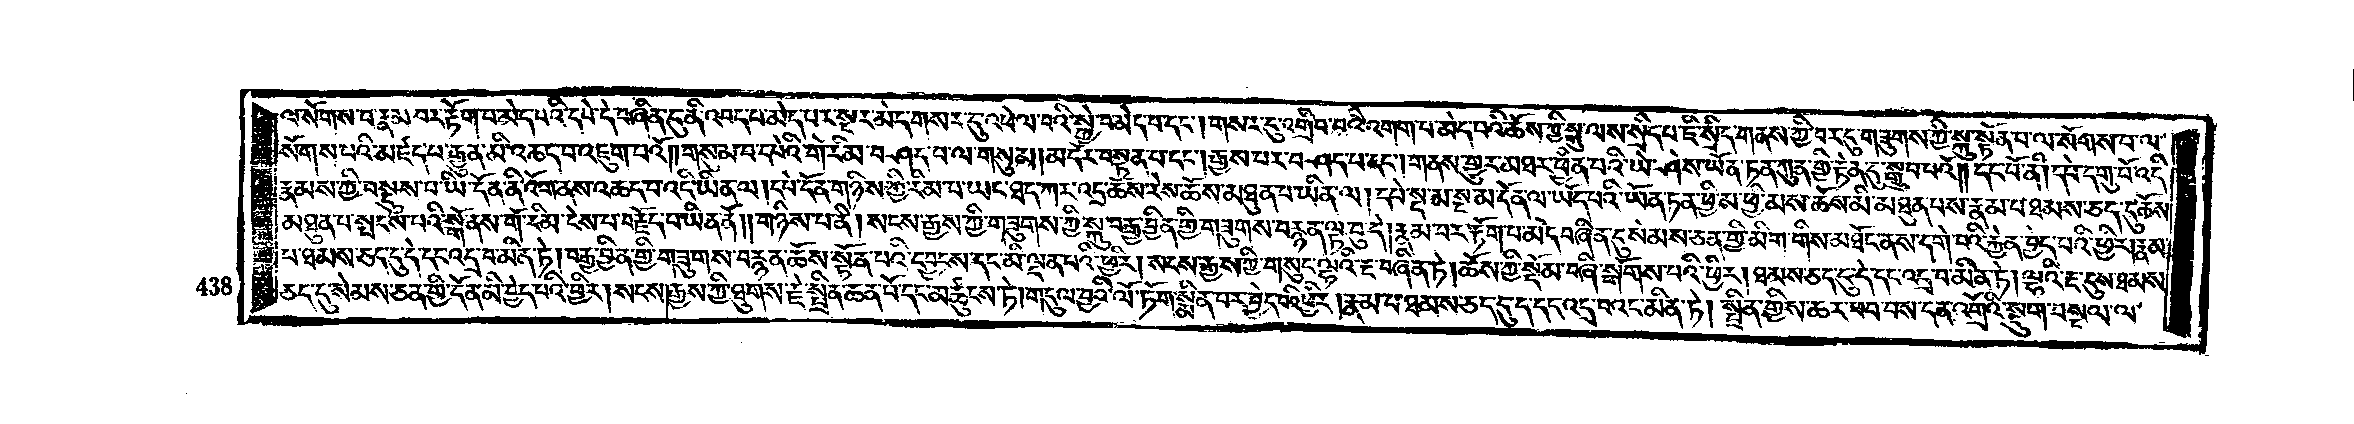ལ་སོགས་པ་རྣམ་པར་རྟོག་པ་མེད་པའི་དཔེ་དེ་བཞིན་དུ་ནི་འབད་པ་མེད་པར་སྔར་མེད་གསར་དུ་འཕེལ་བའི་སྐྱེ་བ་མེད་པ་དང་། གསར་དུ་འགྲིབ་པའི་འགག་པ་མེད་པའི་ཆོས་ཀྱི་སྐུ་ལས་སྲིད་པ་ཇི་སྲིད་གནས་ཀྱི་བར་དུ་གཟུགས་ཀྱི་སྐུ་སྟོན་པ་ལ་སོགས་པ་ལ་
སོགས་པའི་མཛད་པ་རྒྱུན་མི་འཆད་པ་འཇུག་པའོ། །གསུམ་པ་དཔེའི་གོ་རིམ་བཤད་པ་ལ་གསུམ། མདོར་བསྟན་པ་དང་། རྒྱས་པར་བཤད་པ་དང་། གནས་གྱུར་མཐར་ཕྱིན་པའི་ཡེ་ཤེས་ཡོན་ཏན་ཀུན་གྱི་རྟེན་དུ་སྒྲུབ་པའོ། །དང་པོ་ནི། དཔེ་དགུ་པོ་འདི་
རྣམས་ཀྱི་བསྡུས་པ་ཡི་དོན་ནི་འོག་ནས་འཆད་པ་འདི་ཡིན་ལ། དཔེ་དོན་གཉིས་ཀྱི་རིམ་པ་ཡང་ཐད་ཀར་འདྲ་ཆོས་རེས་ཆོས་མཐུན་པ་ཡིན་ལ། དཔེ་སྔ་མ་སྔ་མ་དོན་ལ་ཡོད་པའི་ཡོན་ཏན་ཕྱི་མ་ཕྱི་མས་ཆོས་མི་མཐུན་པས་རྣམ་པ་ཐམས་ཅད་དུ་ཆོས་
མཐུན་པ་སྤངས་པའི་སྒོ་ནས་གོ་རིམ་ངེས་པ་བརྗོད་པ་ཡིན་ནོ། །གཉིས་པ་ནི། སངས་རྒྱས་ཀྱི་གཟུགས་ཀྱི་སྐུ་བརྒྱ་བྱིན་གྱི་གཟུགས་བརྙན་ལྟ་བུ་དེ། རྣམ་པར་རྟོག་པ་མེད་བཞིན་དུ་སེམས་ཅན་གྱི་མིག་གིས་མཐོང་ནས་དགེ་བའི་རྐྱེན་བྱེད་པའི་ཕྱིར། རྣམ་
པ་ཐམས་ཅད་དུ་དེ་དང་འདྲ་བ་མིན་ཏེ། བརྒྱ་བྱིན་གྱི་གཟུགས་བརྙན་ཆོས་སྟོན་པའི་དབྱངས་དང་མི་ལྡན་པའི་ཕྱིར། སངས་རྒྱས་ཀྱི་གསུང་ལྷའི་རྔ་བཞིན་ཏེ། ཆོས་ཀྱི་སྡོམ་བཞི་སྒོགས་པའི་ཕྱིར། ཐམས་ཅད་དུ་དེ་དང་འདྲ་བ་མིན་ཏེ། ལྷའི་རྔ་དུས་ཐམས་
ཅད་དུ་སེམས་ཅན་གྱི་དོན་མི་བྱེད་པའི་ཕྱིར། སངས་རྒྱས་ཀྱི་ཐུགས་རྗེ་སྤྲིན་ཆན་པོ་དང་མཚུངས་ཏེ། གདུལ་བྱའི་ལོ་ཏོག་སྨིན་པར་བྱེད་པའི་ཕྱིར། རྣམ་པ་ཐམས་ཅད་དུ་ད་དང་འདྲ་བའང་མིན་ཏེ། སྤྲིན་གྱིས་ཆར་ཕབ་བས་དན་འགྲོའི་སྡུག་བསྔལ་ལ་